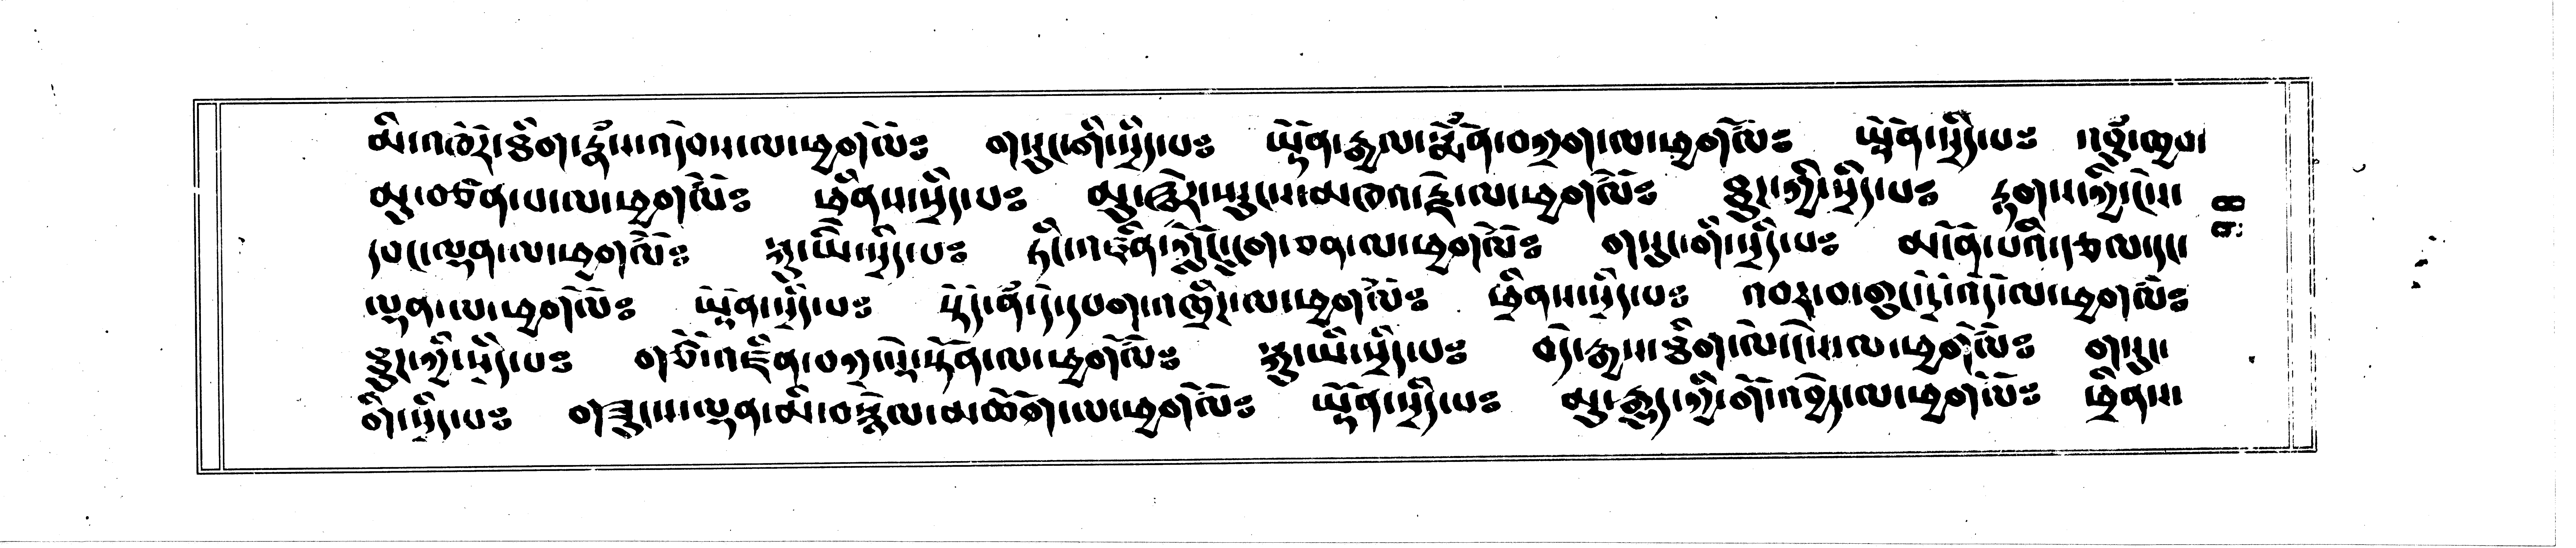མི་འཁོར་ཐིག་རྣམས་འདེབས་ལ་ཕྱག་འཚལ་ལོཿ གསུང་གི་སྲིད་པཿ ཡོན་ཏན་རྒྱལ་སྨོན་ལམ་བཀྲག་ལ་ཕྱག་འཚལ་ལོཿ ཡོན་ཏན་གྱི་སྲིད་པཿ འབུམ་ཁྱབ་
མུ་བཙན་པ་ལ་ཕྱག་འཚལ་ལོཿ ཕྲིན་ལས་ཀྱི་སྲིད་པཿ མུ་ཝེར་སྤུངས་མཁའ་རྗེ་ལ་ཕྱག་འཚལ་ལོཿ ཐུགས་ཀྱི་སྲིད་པཿ རྟགས་ཀྱི་ངེས་
དབང་ལྡན་ལ་ཕྱག་འཚལ་ལོཿ སྐུ་ཡི་སྲིད་པཿ ཏིང་འཛིན་ཀློང་དྲུང་ཅན་ལ་ཕྱག་འཚལ་ལོཿ གསུང་གི་སྲིད་པཿ མངོན་པའི་རྩལ་དང་
ལྡན་ལ་ཕྱག་འཚལ་ལོཿ ཡོན་ཏན་གྱི་སྲིད་པཿ སྟོང་ནམ་དེ་དཔག་ཁྲིགས་ལ་ཕྱག་འཚལ་ལོཿ ཕྲིན་ལས་ཀྱི་སྲིད་པཿ འབར་བ་གུང་དྲོ་འོད་ལ་ཕྱག་འཚལ་ལོཿ 
ཐུགས་ཀྱི་སྲིད་པཿ གཙོ་འཛིན་བཀྲ་སྡེ་སྟོན་ལ་ཕྱག་འཚལ་ལོཿ སྐུ་ཡི་སྲིད་པཿ བདེ་རྒྱས་ཐིག་ལེ་ངེས་ལ་ཕྱག་འཚལ་ལོཿ གསུང་
གི་སྲིད་པཿ གཟུང་ལྡན་མི་བསྙེལ་མཆོག་ལ་ཕྱག་འཚལ་ལོཿ ཡོན་ཏན་གྱི་སྲིད་པཿ མུ་རྒྱུད་ཀྱི་གོ་འབྱེད་ལ་ཕྱག་འཚལ་ལོཿ ཕྲིན་ལས་ཀྱི་